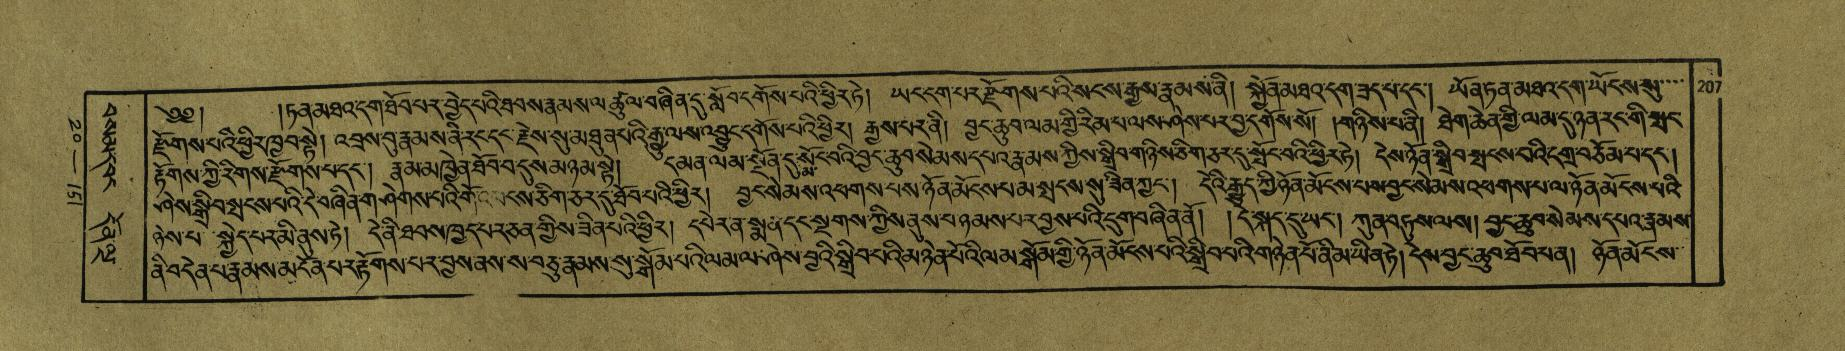༄༅། །ཏན་མཐའ་དག་ཐོབ་པར་བྱེད་པའི་ཐབས་རྣམས་ལ་ཚུལ་བཞིན་དུ་སློབ་དགོས་པའི་ཕྱིར་ཏེ། ཡང་དག་པར་རྫོགས་པའི་སངས་རྒྱས་རྣམས་ནི། སྐྱོན་མཐའ་དག་ཟད་པ་དང་། ཡོན་ཏན་མཐའ་དག་ཡོངས་སུ་
རྫོགས་པའི་ཕྱིར་ཁྱབ་སྟེ། འབྲས་བུ་རྣམས་ནི་རང་དང་རྗེས་སུ་མཐུན་པའི་རྒྱུ་ལས་འབྱུང་དགོས་པའི་ཕྱིར། རྒྱས་པར་ནི། བྱང་ཆུབ་ལམ་གྱི་རིམ་པ་ལས་ཤེས་པར་བྱ་དགོས་སོ། །གཉིས་པ་ནི། ཐེག་ཆེན་གྱི་ལམ་དུ་ཉན་རང་གི་སྤང་
རྟོགས་ཀྱི་རིགས་རྫོགས་པ་དང་། རྣམ་མཁྱེན་ཐོབ་བ་དུས་མཉམ་སྟེ། དམན་ལམ་སྔོན་དུ་མ་སོང་བའི་བྱང་ཆུབ་སེམས་དཔའ་རྣམས་ཀྱིས་སྒྲིབ་གཉིས་ཅིག་ཅར་དུ་སྤོང་བའི་ཕྱིར་ཏེ། དེས་ཉོན་སྒྲིབ་སྤངས་པའི་དགྲ་བཅོམ་པ་དང་།
ཤེས་སྒྲིབ་སྤངས་པའི་དེ་བཞིན་གཤེགས་པའི་གོ་འཕངས་ཅིག་ཅར་དུ་ཐོབ་པའི་ཕྱིར། བྱང་སེམས་འཕགས་པས་ཉོན་མོངས་པ་མ་སྤངས་སུ་ཟིན་ཀྱང་། དེའི་རྒྱུད་ཀྱི་ཉོན་མོངས་པས་བྱང་སེམས་འཕགས་པ་ལ་ཉོན་མོངས་པའི་
ཉེས་པ་སྐྱེད་པར་མི་ནུས་ཏེ། དེ་ནི་ཐབས་ཁྱད་པར་ཅན་གྱིས་ཟིན་པའི་ཕྱིར། དཔེར་ན་སྨན་དང་སྔགས་ཀྱིས་ནུས་པ་ཉམས་པར་བྱས་པའི་དུག་བཞིན་ནོ། །དེ་སྐད་དུ་ཡང་། ཀུན་བཏུས་ལས། བྱང་ཆུབ་སེམས་དཔའ་རྣམས་
ནི་བདེན་པ་རྣམས་མངོན་པར་རྟོགས་པར་བྱས་ནས་ས་བཅུ་རྣམས་སུ་སྒོམ་པའི་ལམ་ལ་ཤེས་བྱའི་སྒྲིབ་པའི་མཉེན་པོའི་ལམ་སྒོམ་གྱི་ཉོན་མོངས་པའི་སྒྲིབ་པའི་གཉེན་པོ་ནི་མ་ཡིན་ཏེ། དེས་བྱང་ཆུབ་ཐོབ་པ་ན། ཉོན་མོངས་